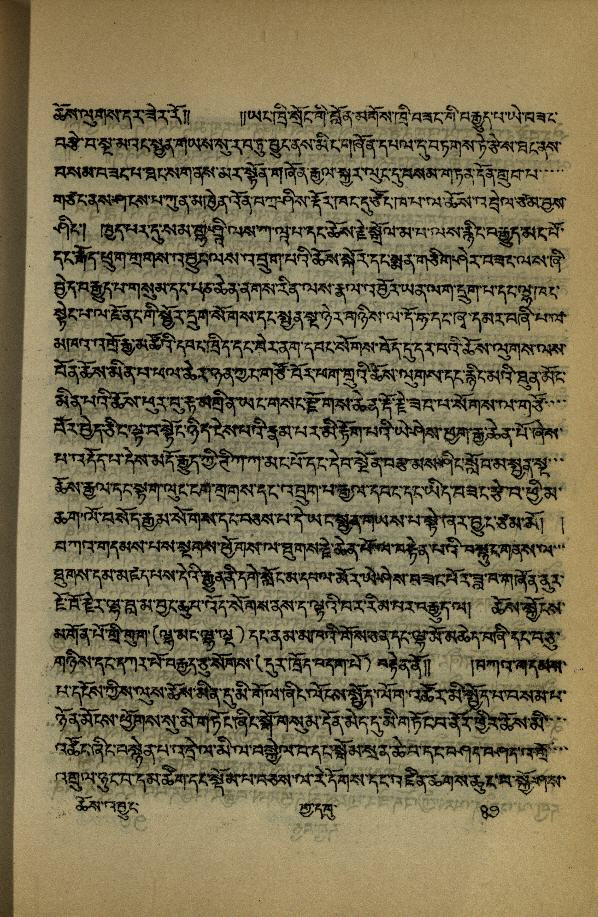ཆོས་ལུགས་དར་ཟེར་རོ།། །།ཡང་ཁྲི་སྲོང་གི་བློན་མགོས་ཁྲི་བཟང་གི་བརྒྱུད་པ་ཡེ་བཟང་
བརྩེ་བ་སྔ་མའང་སྤྱང་གཡས་སུ་རབ་ཏུ་བྱུང་ནས་མིང་གཞོན་དཔལ་དུ་བཏགས་ཏེ་རྩེས་ཐང་ནས་
བསམ་བཟང་པ་ཐང་སག་ནས་མར་སྟོན་གཞོན་རྒྱལ་སྐྱར་ལུང་དུ་བསམ་གཏན་དོན་གྲུབ་པ་
གཙང་ནས་ཤངས་པ་ཀུན་མཁྱེན་འོན་བཀྲ་ཤིས་རྡོར་ཁང་དུ་རྩོང་ཁ་པ་ལ་ཆོས་འབྲེལ་ཙམ་བྱས་
ཤིང་། ཁྱད་པར་དུ་སམ་གྷ་ཤྲཱི་ལས་ཀ་ལཱ་པ་དང་ཆོས་རྗེ་སྒྲོལ་མ་པ་ལས་རྙིང་བརྒྱུད་མང་པོ་
དང་རྒོད་ཕྲུག་གྲགས་འབྱུང་ལས་འབྲུག་པའི་ཆོས་སྐོར་དང་སྨན་གཅིག་ཤེར་བཟང་ལས་ཞི་
བྱེད་བརྒྱུད་པ་གསུམ་དང་པཎ་ཆེན་ནགས་རིན་ལས་རྣལ་འབྱོར་ཡན་ལག་དྲུག་པ་དང་ལྷ་ཁང་
སྟེང་པ་ལ་ཇོ་ནང་གི་སྦྱོར་དྲུག་སོགས་དང་སྤྱན་སྔ་ཉེར་གཉིས་ལ་དོ་ཧ་དང་ཞྭ་དམར་བཞི་པ་ལ་
མཁའ་འགྲོ་རྒྱ་མཚོའི་དབང་ཁྲིད་དང་བེར་ནག་དབང་སོགས་བོད་དུ་དར་བའི་ཆོས་ལུགས་ལས་
བོན་ཆོས་མིན་པ་ཕལ་ཆེར་ཉན་ཀྱང་གཙོ་བོར་ཕག་གྲུའི་ཆོས་ལུགས་དང་རྙིང་མའི་ཐུན་མོང་
མིན་པའི་ཆོས་ཕུར་བུ་རྟ་གྨྲི་ཉང་གསང་རྫོགས་ཆེན་རྡོ་རྗེ་ཟབ་པ་སོགས་ལ་གཙོ་
བོར་བྱེད་ཅིང་ལྟ་བ་སྟོང་ཉིད་ངེས་པའི་རྣམ་པར་མི་རྟོག་པའི་ཡེ་ཤེས་ཕྱག་རྒྱ་ཆེན་པོ་ཞེས་
པ་འདོད་པ་དེས་མདོ་རྒྱུད་ཀྱི་ཊིཀ་ཀ་མང་པོ་དང་དེབ་སྔོན་བརྩམས་ཤིང་སློབ་མ་སྦྱན་སྔ་
ཆོས་རྒྱལ་དང་སྟག་ལུང་ངག་གྲགས་དང་འབྲུག་པ་རྒྱལ་དབང་དང་ཡིད་བཟང་རྩེ་བ་ཕྱི་མ་
ཆག་ལོ་བསོད་རྒྱམ་སོགས་དང་བཅས་པ་དེ་ཡང་སྤྱན་གཡས་པ་སྟེ་ཞར་བྱུང་ཙམ་མོ། །
བཀའ་གདམས་པས་སྔགས་ཕྱོགས་ལ་ཐུགས་རྗེ་ཆེན་པོ་ལ་བརྟེན་པའི་བསྙུང་གནས་ལ་
ཐུགས་དམ་མཛད་པས་དེའི་རྒྱུན་ནི་དགེ་སློང་མ་དཔལ་མོར་ཡེ་ཤེས་བཟང་པོར་ཟླ་བ་གཞོན་ནུར་
ཇོ་བོ་རྗེར་ལྷ་བླ་མ་བྱང་ཆུབ་འོད་སོགས་ནས་ད་ལྟའི་བར་རིམ་པར་བརྒྱུད་ལ། ཆོས་སྐྱོངས་
མགོན་པོ་གྲི་གུག་ལྷ་མང་ལྷ་ལྔ་དང་ནམ་མཁའི་གོས་ཅན་དང་ལྷ་མོ་མཆེད་བཞི་དང་བཅུ་
གཉིས་དང་དཀར་པོ་བརྒྱད་ཅུ་སོགས་དུར་ཁྲོད་བདག་པོ་བརྟེན་ནོ།། །བཀའ་གདམས་
པ་དངོས་ཀྱིས་ལུས་ཆོས་མིན་དུ་མི་གོལ་ཞིང་ལོངས་སྤྱོད་ལོག་འཚོར་མི་སྤྱོད་པ་བསམ་པ་
ཉོན་མོངས་ཕྱོགས་སུ་མི་གཏོང་ཞིང་སྒོ་གསུམ་དོན་མེད་དུ་མི་གཏོང་བ་ནོར་ཕྱིར་ཆོས་མི་
འཚོང་ཞིང་བསྙེན་པ་དེའི་ལ་མི་ལ་བསྐྱེལ་བ་དང་སྒོམ་སྲན་ཆེ་བ་དང་བཤད་བཤད་འགྲོ་
འགྲུལ་ཉུང་བ་དམ་ཚིག་དང་སྡོམ་པ་བཅས་ལ་རེ་དོགས་དང་འཛིན་ཆགས་ཆུང་བ་སྐྱོ་ཤས་